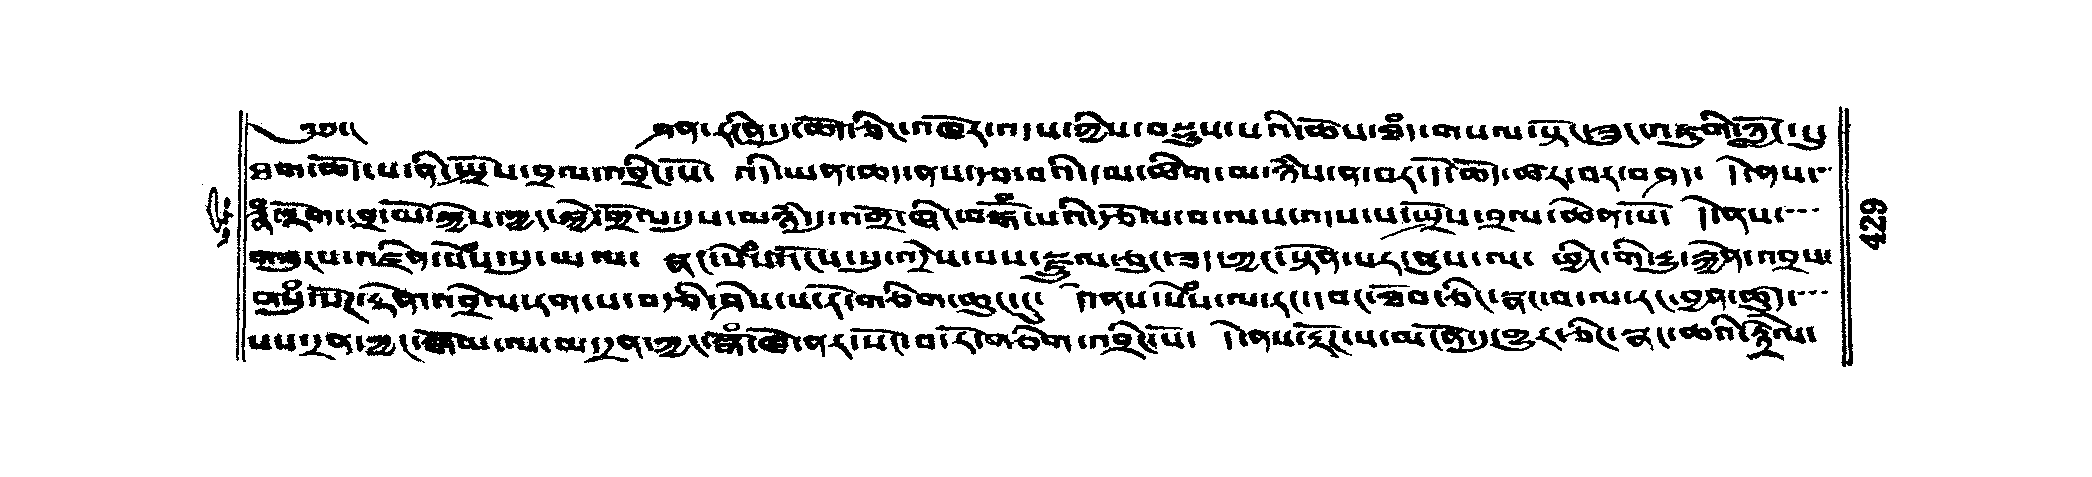ཤན་པ་རང་བཞིན་དུ་ཆོད་ཅིང་འཁོར་འདས་ཀྱིས་བསྡུས་པའི་ཆོས་ཐམས་ཅད་གསལ་སྟོང་ཟུང་འཇུག་གི་ཀློང་དུ་
ཐག་ཆོད་པ་ནི་སྤྲོས་བྲལ་འབྲིང་པོ། འདི་ཡན་ཆད་ནས་རྩ་བའི་དམ་ཚིག་མ་ཉམས་ན་བར་དོ་ཆོད་ཚར་བར་བཤད། དེ་ནས་
རྣམ་རྟོག་ཕྲ་མོ་སྐྱེས་ཀྱང་སྐྱེ་གྲོལ་དུས་མཉམ་དུ་འགྲོ་ཞིང་བསྒོམ་པའི་རྩོལ་བ་ལས་འདས་པ་སྤྲོས་བྲལ་ཆེན་པོ། དེ་ནས་
གཟུང་འཛིན་སེམས་སུ་ཡལ། སྣང་སེམས་དངོས་སུ་འདྲེས་པས་རྫུ་འཕྲུལ་ཅུང་ཟད་ཀྱང་སྟོན་པར་ནུས་ལ། ཕྱི་ནང་གི་རྒྱུ་རྐྱེན་འབྲས་
གསུམ་སོགས་རྟེན་འབྲེལ་རག་པ་བརྩི་ཤེས་པ་རོ་གཅིག་ཆུང་ངུ་། དེ་ནས་སེམས་ལ་རང་དབང་ཐོབ་ཅིང་སྣང་བ་ལ་རང་བྱན་ཚུད་
པས་དྲན་ཀྱང་སྒོམ་ལ་མ་དྲན་ཀྱང་སྒོམ་ཁོ་ནར་སོང་བ་རོ་གཅིག་འབྲིང་པོ། དེ་ནས་རྟོགས་པ་མངོན་དུ་གྱུར་ཅིང་སྣང་ཆའི་རྟེན་འབྲེལ་